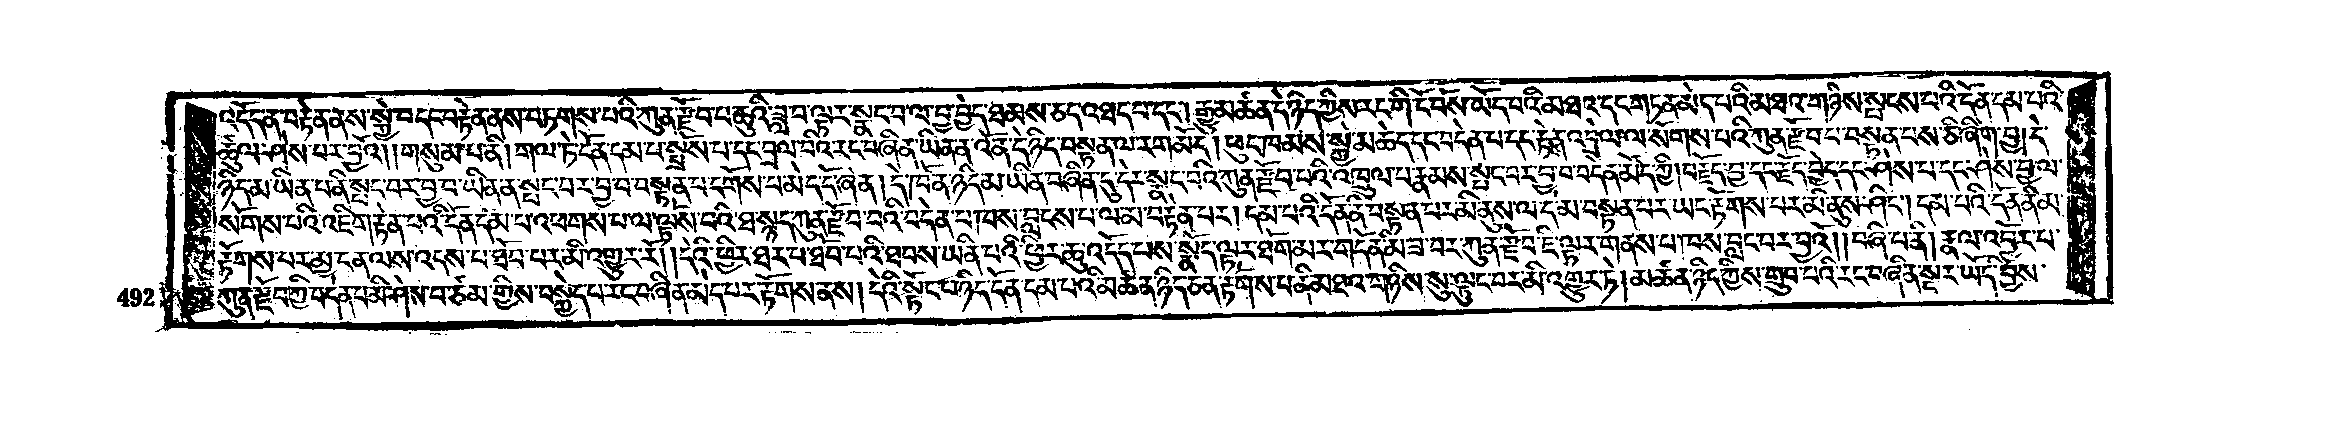འདོད་ན་བརྟེན་ནས་སྐྱེ་བ་དང་བརྟེན་ནས་བཏགས་པའི་ཀུན་རྫོབ་པ་ཆུའི་ཟླ་བ་ལྟར་སྣང་བ་ལ་བྱ་བྱེད་ཐམས་ཅད་འཐད་པ་དང་། རྒྱུ་མཚན་དེ་ཉིད་ཀྱིས་རང་གི་ངོ་བོས་ཡོད་པའི་མཐའ་དང་གཏན་མེད་པའི་མཐའ་གཉིས་སྤངས་པའི་དོན་དམ་པའི་
ཚུལ་ཤེས་པར་བྱའོ། །གསུམ་པ་ནི། གལ་ཏེ་དོན་དམ་པ་སྤྲོས་པ་དང་བྲལ་བའི་རང་བཞིན་ཡིན་ན་འོ་ན་དེ་ཉིད་བསྟན་ལ་རག་མོད། ཕུང་ཁམས་སྐྱེ་མཆེད་དང་བདེན་པ་དང་རྟེན་འབྲེལ་ལ་སོགས་པའི་ཀུན་རྫོབ་པ་བསྟན་པས་ཅི་ཞིག་བྱ། དེ་
ཉིད་མ་ཡིན་པ་ནི་སྤང་པར་བྱ་བ་ཡིན་ན་སྤང་པར་བྱ་བ་བསྟན་པ་དགོས་པ་མེད་དོ་ཞེ་ན། དེ་ཁོ་ན་ཉིད་མ་ཡིན་བཞིན་དུ་དེར་སྣང་བའི་ཀུན་རྫོབ་པའི་འཁྲུལ་པ་རྣམས་སྤང་བར་བྱ་བ་བདེན་མོད་ཀྱི། བརྗོད་བྱ་དང་རྗོད་བྱེད་དང་ཤེས་པ་དང་ཤེས་བྱ་ལ་
སོགས་པའི་འཇིག་རྟེན་པའི་དོན་དམ་པ་འཕགས་པ་ལ་ལྟོས་པའི་ཐ་སྙད་ཀུན་རྫོབ་བའི་བདེན་པ་ཁས་བླངས་པ་ལ་མ་བརྟེན་པར། དམ་པའི་དོན་ནི་བསྟན་པར་མི་ནུས་ལ་དེ་མ་བསྟན་པར་ཡང་རྟོགས་པར་མི་ནུས་ཤིང་། དམ་པའི་དོན་ནི་མ་
རྟོགས་པར་མྱ་ངན་ལས་འདས་པ་ཐོབ་པར་མི་འགྱུར་རོ། །དེའི་ཕྱིར་ཐར་པ་ཐོབ་པའི་ཐབས་ཡིན་པའི་ཕྱིར་ཆུ་འདོད་པས་སྣོད་ལྟར་ཐོག་མར་གདོན་མི་ཟ་བར་ཀུན་རྫོབ་ཇི་ལྟར་གནས་པ་ཁས་བླང་པར་བྱའོ། །བཞི་པ་ནི། རྣལ་འབྱོར་པ་
ཀུན་རྫོབ་ཀྱི་བདེན་པ་མི་ཤེས་པ་ཙམ་གྱིས་བསྐྱེད་པ་རང་བཞིན་མེད་པར་རྟོགས་ནས། དེའི་སྟོང་པ་ཉིད་དོན་དམ་པའི་མཚན་ཉིད་ཅན་རྟོགས་པ་ནི་མཐའ་གཉིས་སུ་ལྟུང་བར་མི་འགྱུར་ཏེ། མཚན་ཉིད་ཀྱིས་གྲུབ་པའི་རང་བཞིན་སྔར་ཡོད་ཕྱིས་